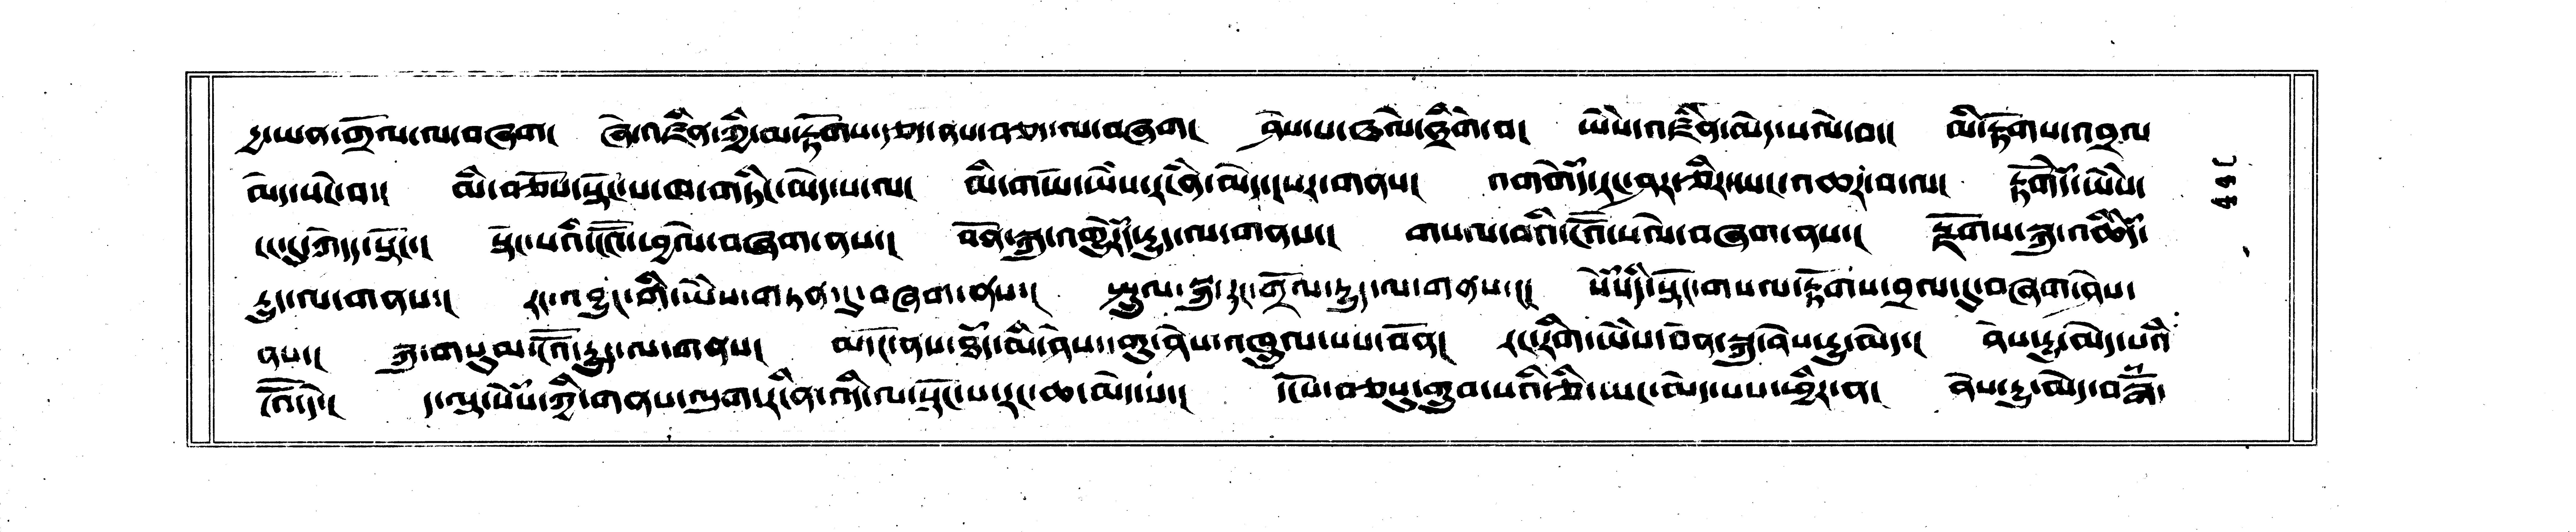རྒྱ་ཡན་བཀྲོལ་ལ་བཞག ཞེ་འཛིན་གྱིས་མི་བསྟོད་”མ་རྟོགས”རྩད་ནས་བཅད་ལ་བཞག ཤེས་པ་སལེ་ཧྲིག་གེ་བ། ཡེ་ཤེས་འཛིན་མེད་སལེ་བ། མི་རྟོག་འབྲལ་
མེད་སང་ངེ་བ། མ་བཅོས་སྟོང་པ་མཁའ་གཏིང་མེད་པ་ལ། མ་གཡོས་ཡེ་ཤེས་རང་བཞིན་མེད་པར་གནས། གྷག་(འགག)མེད་རང་ཤར་ཅིར་ཡང་འཆར་བ་ལ། རྟོག་མེད་ཡེ་ཤེས་
ངང་དུ་ཀད་དེ་སྟོང་། སྟོང་པའི་ངོའོ་ཕྱ་ལེ་བཞག་ན་བོན་སྐུ་འགྱུར་མེད་རྒྱུད་ལ་གནས། གསལ་བའི་ངོའོ་སལེ་བཞག་ན་ རྫོགས་སྐུའི་རང་བཞིན་
རྒྱུད་ལ་གནས། རང་འབྱུང་གི་ཡེ་ཤེས་གཏད་མེད་དུ་བཞག་ན་སྤྲུལ་སྐུ་རང་གྲོལ་རྒྱུད་ལ་གནས། སེམས་ཀྱིས་ངོའོ་གསལ་སྟོང་སྤྲོས་བྲལ་དུ་བཞག་ཤེས་
ན་སྐུ་གསུམ་གྱིས་ངོའོ་རྒྱུད་ལ་གནས། མདོར་ན་ཐམས་ཅད་མི་ཤེས་དགུ་ཤེས་འཁྲུལ་པའི་བོན། རང་རིག་ཡེ་ཤེས་བོན་གྱིས་སྐུ་ལ་ཤེས་རྒྱུ་མེད། ཤེས་རྒྱུ་མེད་པའི་
ངོའོ་དེ། ད་ལྟ་སེམས་གྱིས་གནས་ལུགས་རང་བཞིན་འདི་ལ་སྟོང་པ་རང་ཆས་ཡིན་པ་དངོས་བཅས་གྲུབ་པ་ཅི་ཡང་མེད་པའི་ཕྱིར་ན། ཤེས་རྒྱུ་མེད་